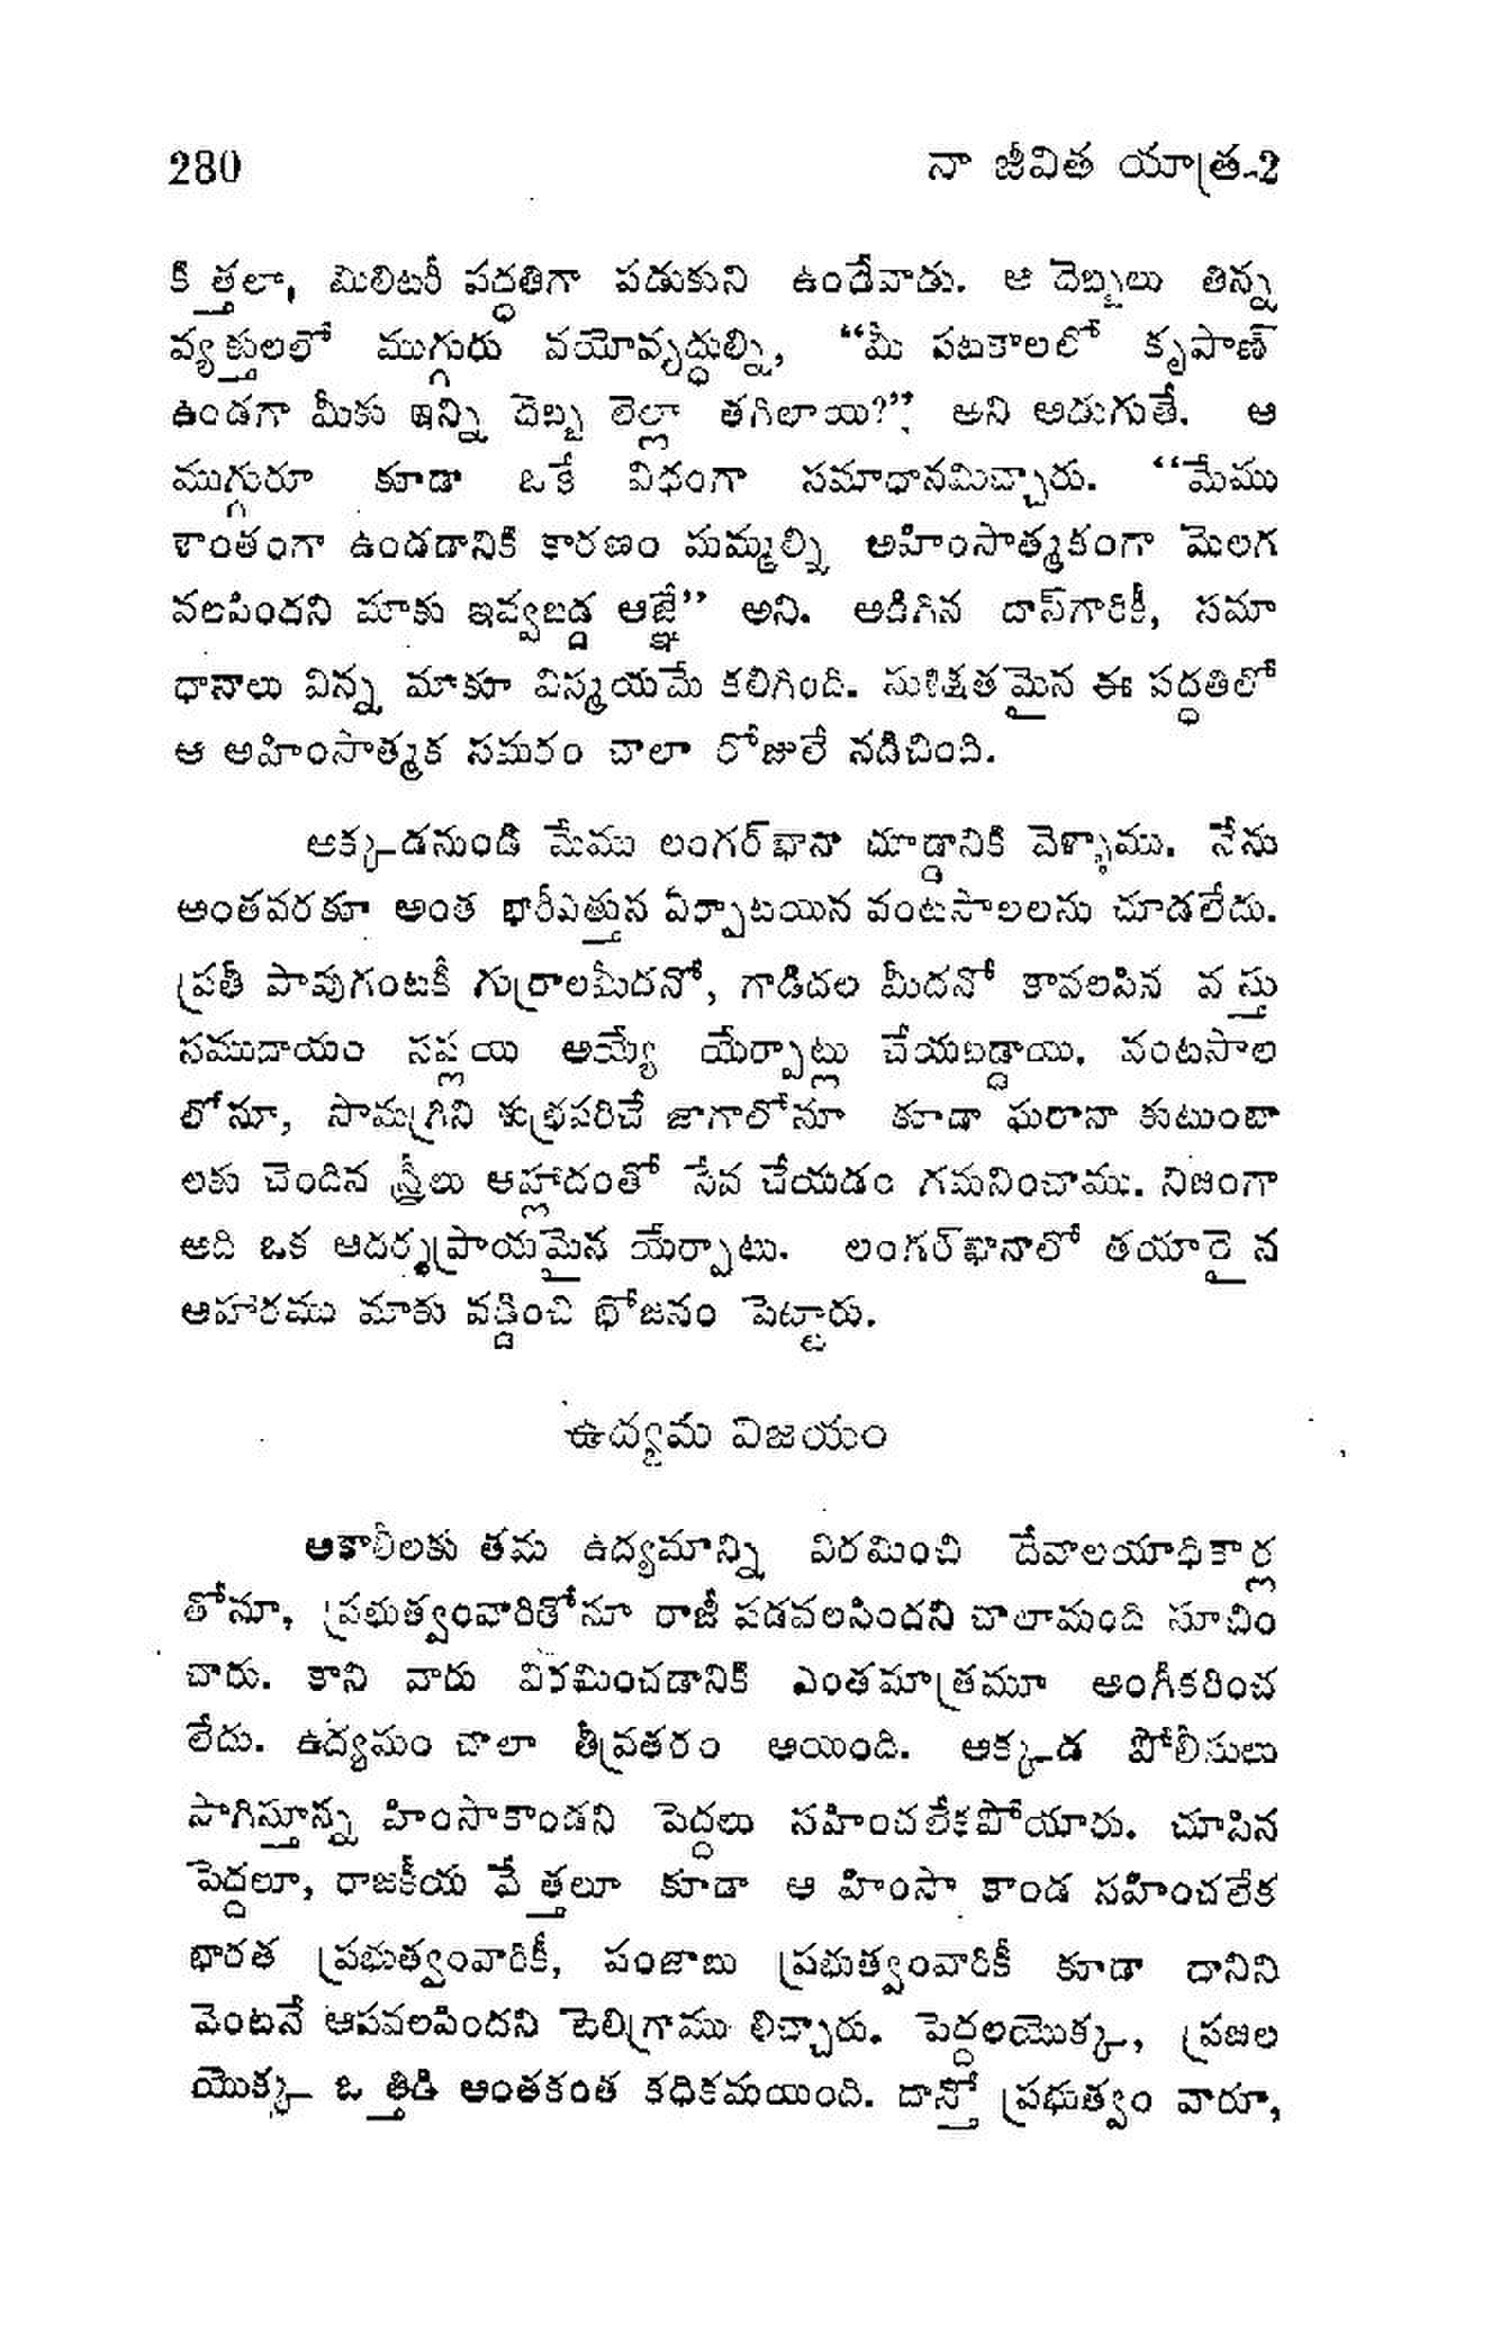కిత్తలా, మిలిటరీ పద్ధతిగా పడుకుని ఉండేవాడు. ఆ దెబ్బలు తిన్న వ్యక్తులలో ముగ్గురు వయోవృద్దుల్ని, "మీ పటకాలలో కృపాణ్ ఉండగా మీకు ఇన్ని దెబ్బ లెల్లా తగిలాయి?" అని అడుగుతే, ఆ ముగ్గురూ కూడా ఒకే విధంగా సమాధానమిచ్చారు. "మేము శాంతంగా ఉండడానికి కారణం మమ్మల్ని అహింసాత్మకంగా మెలగ వలసిందని మాకు ఇవ్వబడ్డ ఆజ్ఞా" అని. అడిగిన దాస్‌గారికీ, సమాధానాలు విన్న మాకూ విస్మయమే కలిగింది. సురక్షితమైన ఈ పద్ధతిలో ఆ అహింసాత్మక సమరం చాలా రోజులే నడిచింది.

అక్కడనుండి మేము లంగర్‌ఖానా చూడ్డానికి వెళ్ళాము. నేను అంతవరకూ అంత భారీఎత్తున ఏర్పాటయిన వంటసాలలను చూడలేదు. ప్రతీ పావుగంటకీ గుర్రాలమీదనో, గాడిదల మీదనో కావలసిన వస్తు సముదాయం సప్లయి అయ్యే యేర్పాట్లు చేయబడ్డాయి. వంటసాలలోనూ, సామగ్రిని శుభ్రపరిచే జాగాలోనూ కూడా ఘరానా కుటుంబాలకు చెందిన స్త్రీలు ఆహ్లాదంతో సేవ చేయడం గమనించాము. నిజంగా అది ఒక ఆదర్శప్రాయమైన యేర్పాటు. లంగర్‌ఖానాలో తయారైన ఆహారము మాకు వడ్డించి భోజనం పెట్టారు.

అకాలీలకు తమ ఉద్యమాన్ని విరమించి దేవాలయాధికార్లతోనూ, ప్రభుత్వంవారితోనూ రాజీ పడవలసిందని చాలామంది సూచించారు. కాని వారు విరమించడానికి ఎంతమాత్రమూ అంగీకరించ లేదు. ఉద్యమం చాలా తీవ్రతరం అయింది. అక్కడ పోలీసులు సాగిస్తూన్న హింసాకాండని పెద్దలు సహించలేకపోయారు. చూసిన పెద్దలూ, రాజకీయ వేత్తలూ కూడా ఆ హింసా కాండ సహించలేక భారత ప్రభుత్వంవారికీ, పంజాబు ప్రభుత్వంవారికీ కూడా దానిని వెంటనే ఆపవలసిందని టెలిగ్రాము లిచ్చారు. పెద్దలయొక్క, ప్రజలయొక్క ఒత్తిడి అంతకంత కధికమయింది. దాన్తో ప్రభుత్వం వారూ,